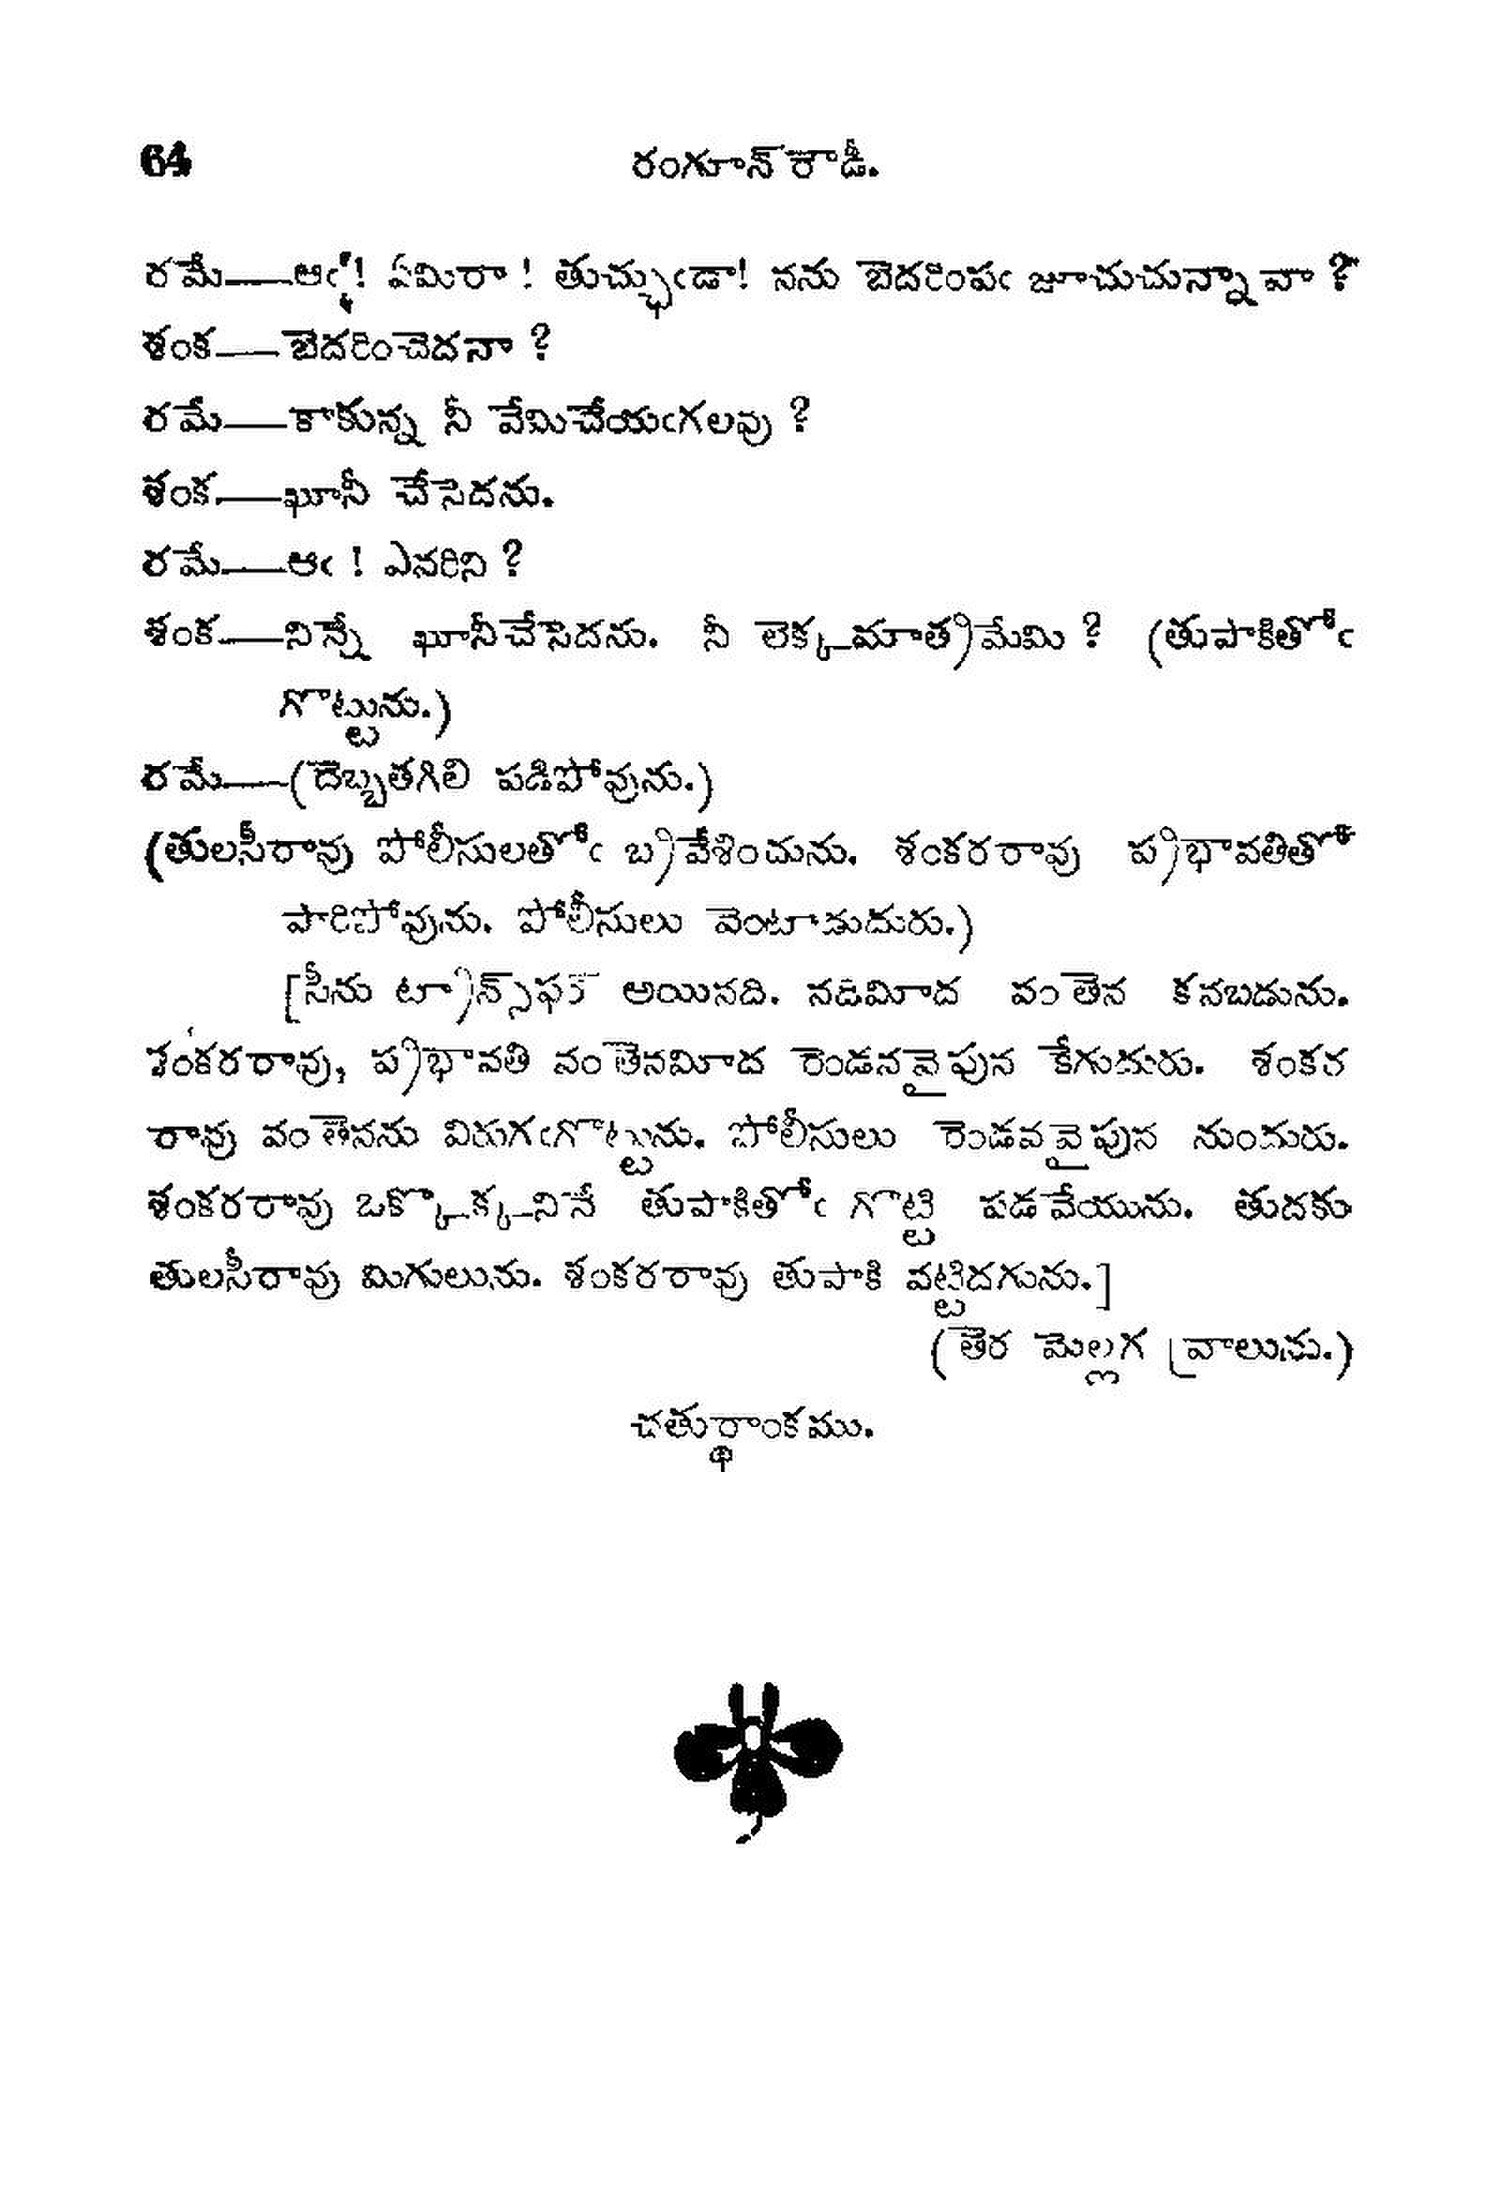రమే - ఆఁ ! ఏమిరా ! తుచ్ఛుఁడా! నను బెదరింపఁ జూచుచున్నావా?

శంక -- బెదరించెదనా?

రమే - కాకున్న నీ వేమిచేయఁగలవు ?

శంక - ఖూనీ చేసెదను.

రమే - ఆఁ ! ఎనరిని?

శంక - నిన్నే ఖూనీచేసెదను. నీ లెక్కమాత్రమేమి ? (తుపాకితోఁ గొట్టును.)

రమే -- (దెబ్బతగిలి పడిపోవును.)

[సీను టాన్స్‌ఫర్ అయినది. నదిమీద వంతెన కనబడును. శంకరరావు, ప్రభావతి వంతెనమీద రెండవవైపున కేగుదురు. శంకరరావు వంతెనను విరుగఁగొట్టును. పోలీసులు రెండవవైపున నుందురు. శంకరరావు ఒక్కొక్కనినే తుపాకితోఁ గొట్టి పడవేయును. తుదకు తులసీరావు మిగులును. శంకరరావు తుపాకి వట్టిదగును.]